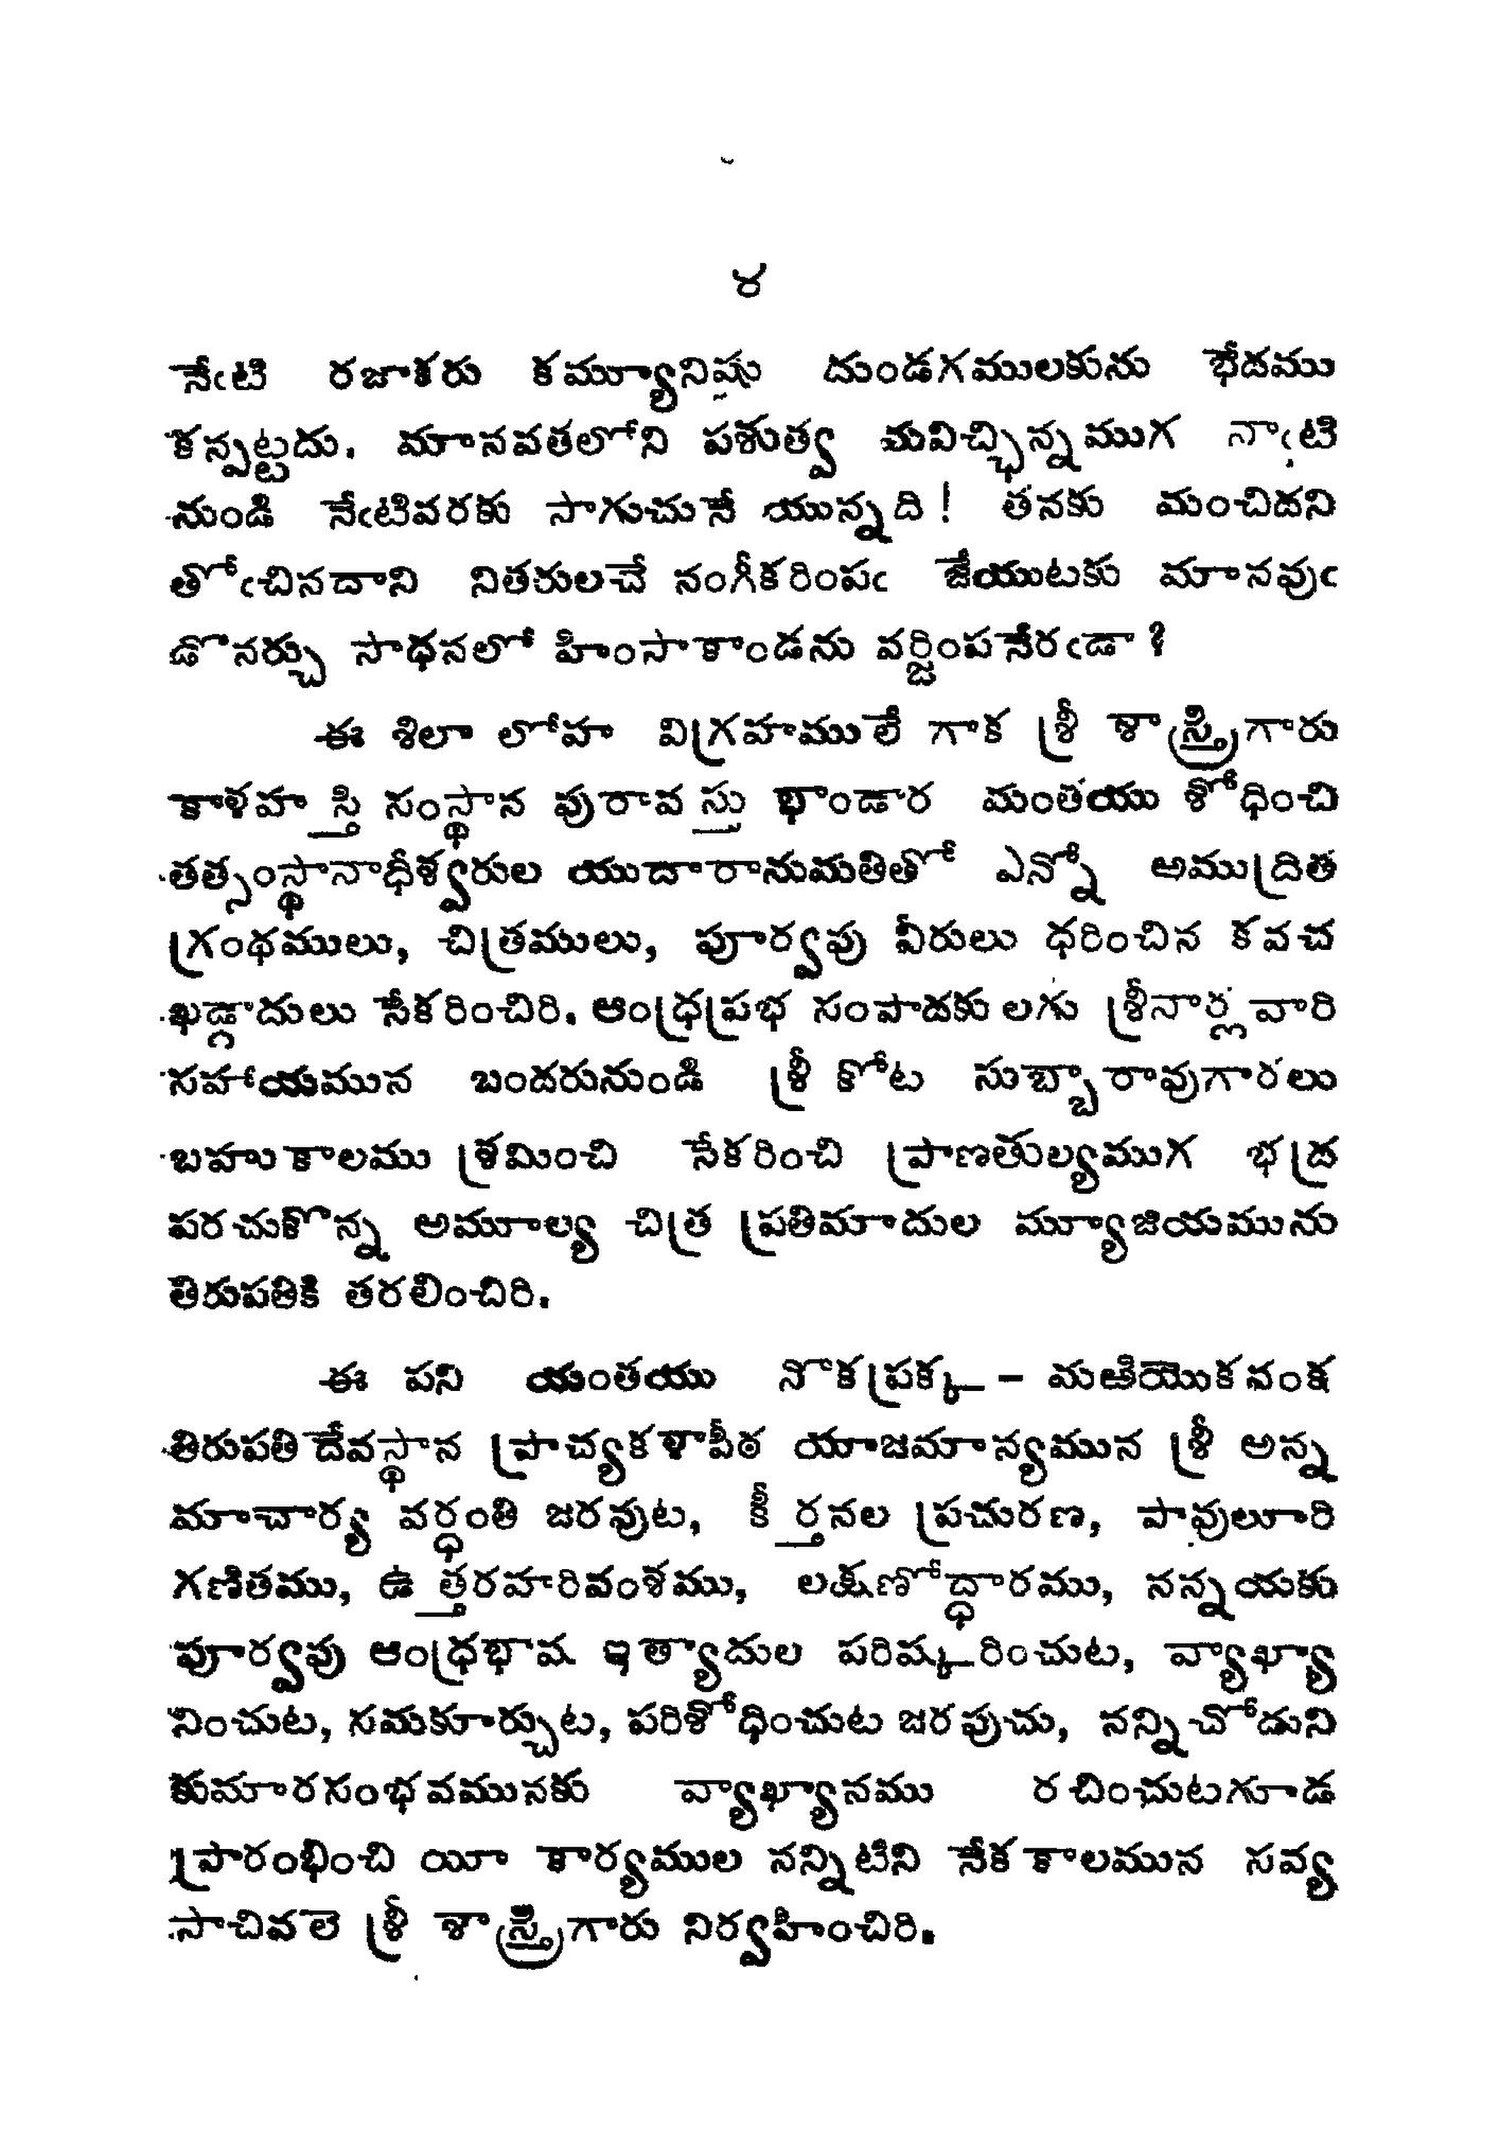నేఁటి రజాకారు కమ్యునిస్టు దుండగములకును భేదము కన్పట్టదు.మానవతలోని పశుత్వ మవిచ్చిన్నముగ నాఁటినుండి నేఁటి వరకు సాగుచునే యున్నది! తనకు మంచిదని తోఁచిన దాని నితరులచే నంగీకరింపఁ జేయుటకు మానవుఁడొనర్చు సాధనలో హింసాకాండను వర్జింప నేరఁడా?

 ఈ శిలా లోహ విగ్రహములే గాక శ్రీ శాస్త్రిగారు కాళహస్తి సంస్ధాన భాండారమంతయు శోధించి తత్సంస్దానాదీశ్వరుల యుదారానుమతితో ఎన్నో అముద్రితగ్రంధములు, చిత్రములు, పూర్వపు వీరులు ధరించిన కవచఖడ్గాదులు సేకరించిర ఆంద్రప్రభ సంపాదకులగు శ్రీనార్లవారి సహాయమున బందరు నుండి శ్రీ కోటసుబ్బారావుగారలు బహుకాలము శ్రమించి సేకరించి ప్రాణతుల్యముగ భద్రపరచుకొన్న అమూల్య చిత్ర ప్రతిమాదుల మ్యూజియమును తిరుపతికి తరలించిరి.

 ఈ పని యంతయు నొకప్రక్క- మఱియొక వంక తిరుపతి దేవస్ధాన ప్రాచ్యకళాపీఠ యాజమాన్యమున శ్రీ అన్నమాచార్యా వర్ధంతి జరుపుట, కీర్తనలు ప్రచురణ, పావులూరి గణితము, ఉత్తరహరివంశము, లక్షణోద్ధారము, నన్నయకు పూర్వపు ఆంధ్ర భాష ఇత్యాదుల పరిష్కరించుట, వ్యాఖ్యానించుట, సమకూర్చుట, పరిశోధించుట జరపుచు, నన్నిచోడుని కుమారసంభమునకు వ్యాఖ్యానము రచించుట గూడ ప్రారంభించి యీ కార్యముల నన్నిటిని నేక కాలమున సవ్యసాచి వలె శ్రీ శాస్త్రిగారు నిర్వహించిరి.